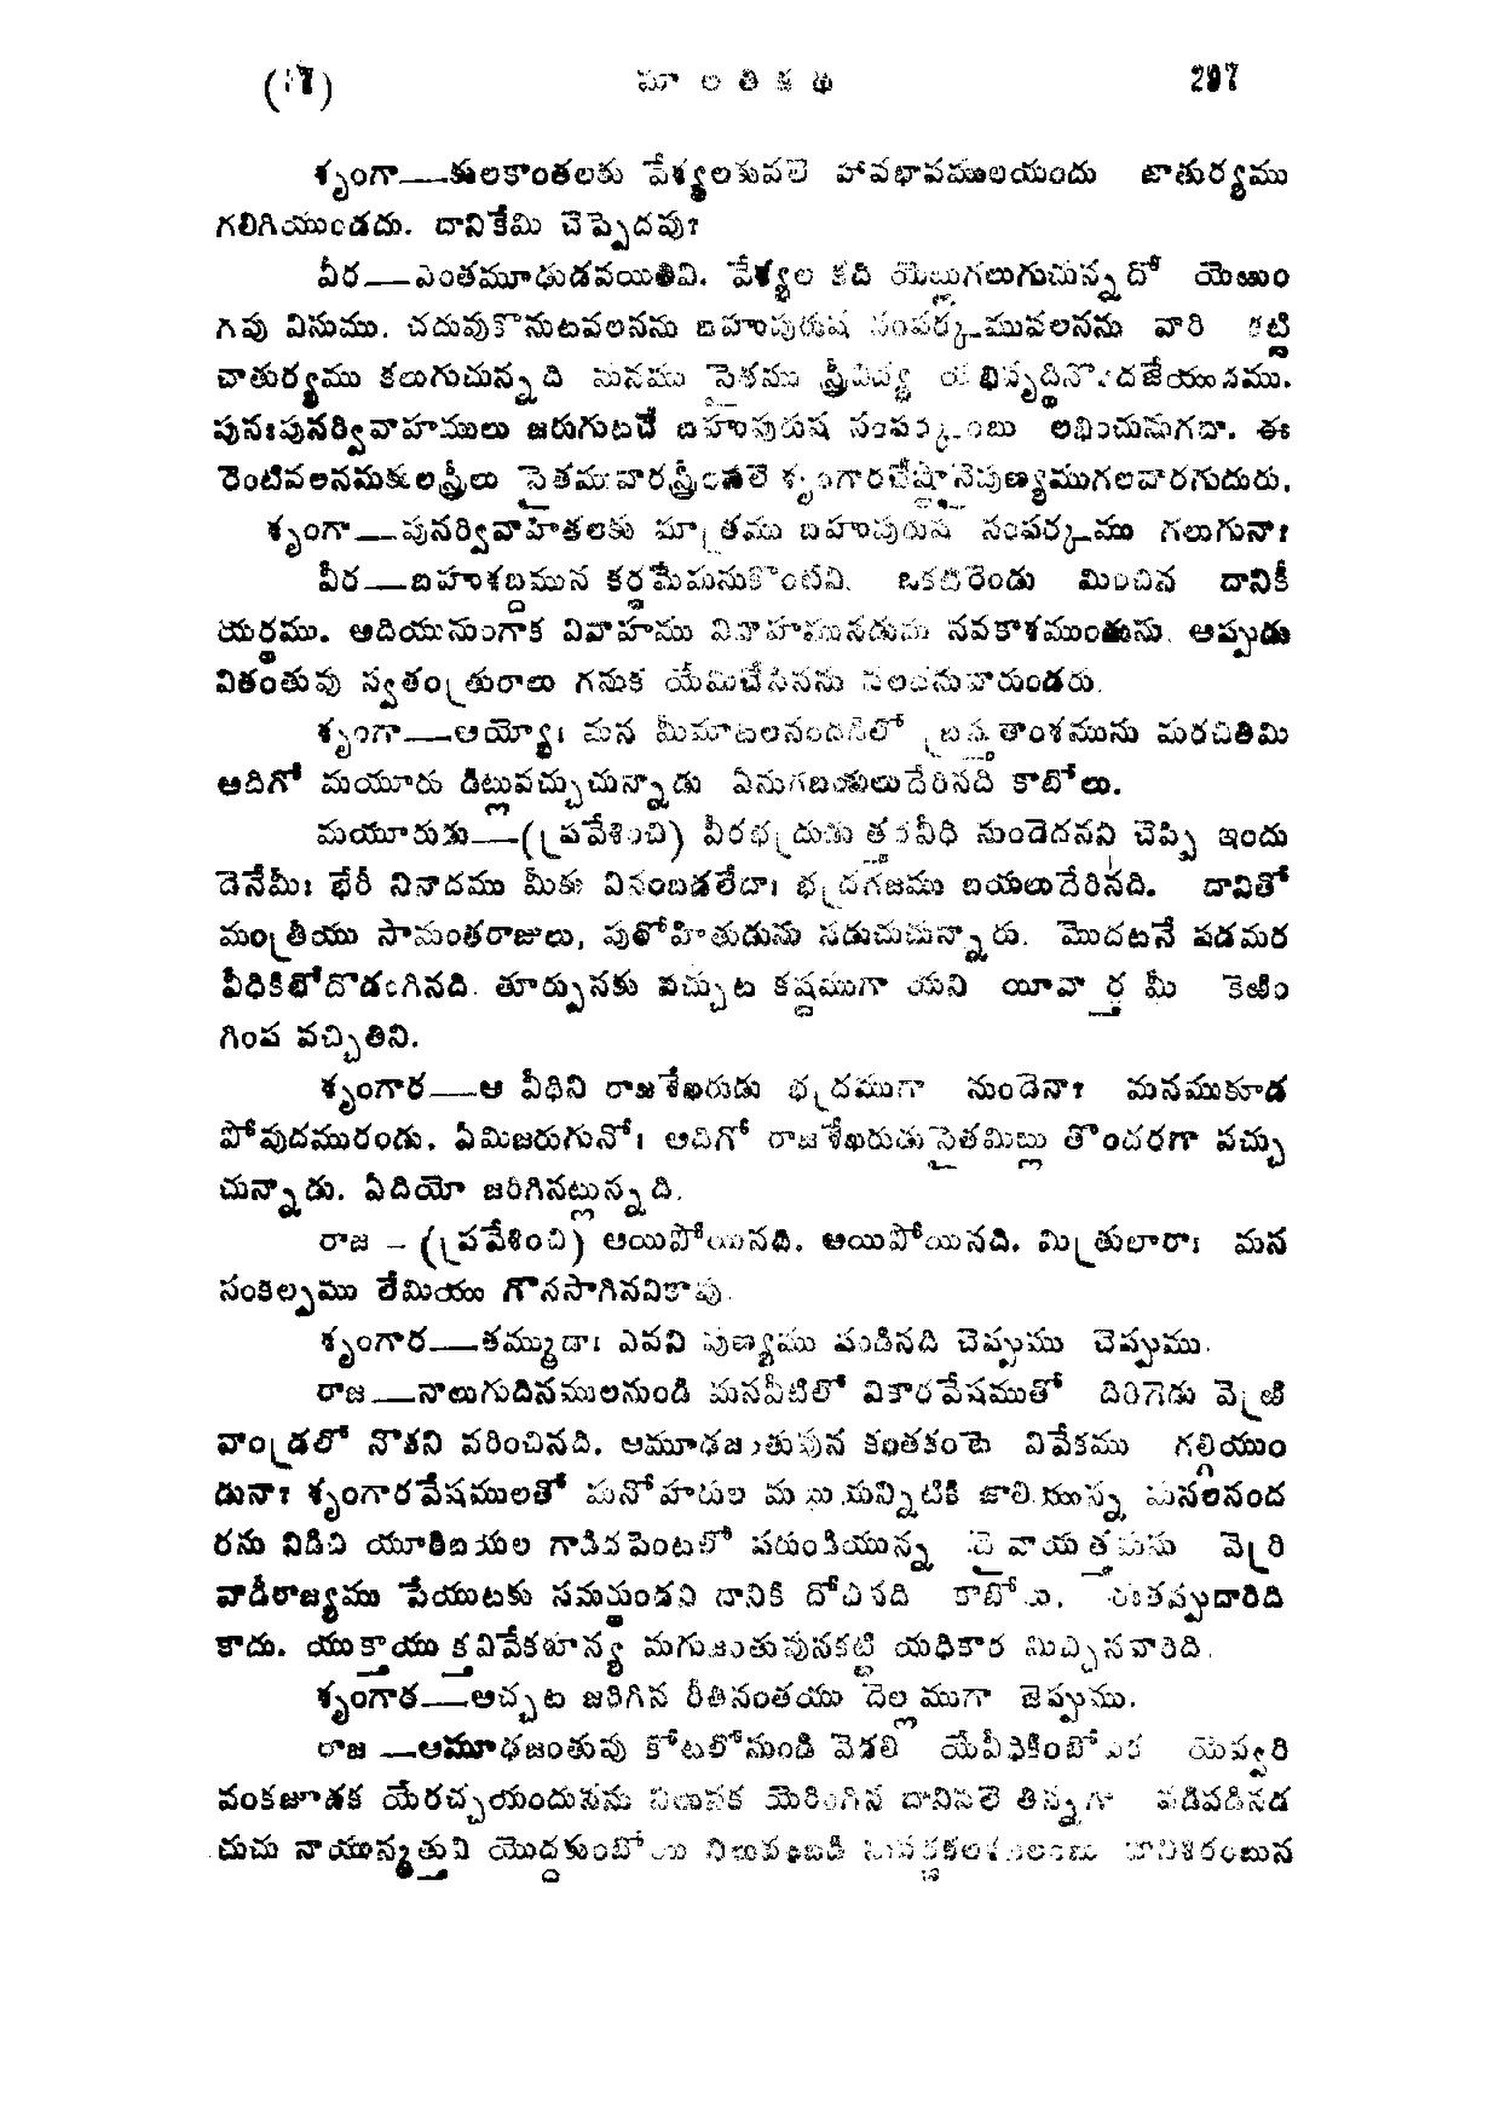శృంగా - కులకాంతలకు వేశ్యలకువలె హావభావములయందు జాతుర్యము గలిగియుండదు. దానికేమి చెప్పెదవు?

వీర — ఎంతమూఢుడవయితివి. వేశ్యల కది యెట్లుగలుగుచున్నదో యెఱుంగవు వినుము. చదువుకొనుటవలనను బహుపురుషసంపర్కమువలనను. వారి కట్టి చాతుర్యము కలుగుచున్నది మనము సైతము స్త్రీవిద్య యభివృద్ధినొందజేయుదము. పునఃపునర్వివాహములు జరుగుటచే బహుపురుషసంపర్కంబు లభించునుగదా. ఈ రెంటివలనను కులస్త్రీలు సైతము వారస్త్రీలవలె శృంగారచేష్టానైపుణ్యముగలవా రగుదురు. 

శృంగా -- పునర్వివాహితలకు మాత్రము బహుపురుషసంపర్కము గలుగునా? 

వీర - బహుశబ్దమున కర్దమేమనుకొంటివి. ఒకటిరెండు మించిన దానికీ యర్థము. అదియునుంగాక వివాహము వివాహమునడుమ నవకాశముండును. అప్పుడు వితంతువు స్వతంత్రురాలు గనుక యేమిచేసినను వలదనువారుండరు.

శృంగా - అయ్యో! మన మీమాటలసందడిలో బ్రస్తుతాంశమును మరచితిమి అదిగో మయూరు డిట్లువచ్చుచున్నాడు. ఏనుగబయలుదేరినది కాబోలు.

మయూరుడు - (ప్రవేశించి) వీరభద్రు డుత్తరవీథి నుండెదనని చెప్పి ఇందుడెనేమీ? భేరీ నినాదము మీకు వినంబడలేదా? భద్రగజము బయలుదేరినది. దానితో మంత్రియు సామంతరాజులు, పురోహితుడును నడుచుచున్నారు. మొదటనే పడమరవీథికి బోదొడంగినది. తూర్పునకు వచ్చుట కష్టముగా యని యీవార్త మీ కెఱింగింప వచ్చితిని.

శృంగార - ఆ వీథిని రాజశేఖరుడు భద్రముగా నుండెనా? మనముకూడ పోవుదమురండు. ఏమిజరుగునో! అదిగో రాజుశేఖరుడు సైతమిట్లు తొందరగా వచ్చుచున్నాడు. ఏదియో జరిగినట్లున్నది.

రాజ - (ప్రవేశించి) అయిపోయినది. అయిపోయినది. మిత్రులారా! మన సంకల్పము లేమియు గొనసాగినవికావు.

శృంగార - తమ్ముడా! ఎవని పుణ్యము పండినది చెప్పుము చెప్పుము.

రాజ — నాలుగుదినములనుండి మనవీటిలో వికారవేషముతో దిరిగెడు వెఱ్రివాండ్రలో నొకని వరించినది. అమూఢజంతువున కంతకంటె వివేకము గల్గియుండునా? శృంగారవేషములతో మనోహరుల మయియన్నిటికి జాలియున్న మనలనందరను విడిచి యూరిబయల గాడిదపెంటలో పరుండియున్న దైవాయత్తమను వెర్రివా డీరాజ్యము సేయుటకు సమర్థుండని దానికి దోచినది కాబోలు. ఈతప్పుదారిది కాదు. యుక్తాయుక్తవివేకశూన్య మగుజంతువున కట్టి యధికార మిచ్చినవారిది .

శృంగార - అచ్చట జరిగిన రీతినంతయు దెల్లముగా జెప్పుము.

రాజ — ఆమూఢజంతువు కోటలోనుండి వెడలి యేవీథికింబోవక యెవ్వరి వంకజూడక యేరచ్చయందునను నిలువక యెరింగిన దానివలె తిన్నగా వడివడినడచుచు నాయున్మత్తుని యొద్దకుంబోయి నిలువంబడి సువర్ణకలశజలంబు వానిశిరంబున